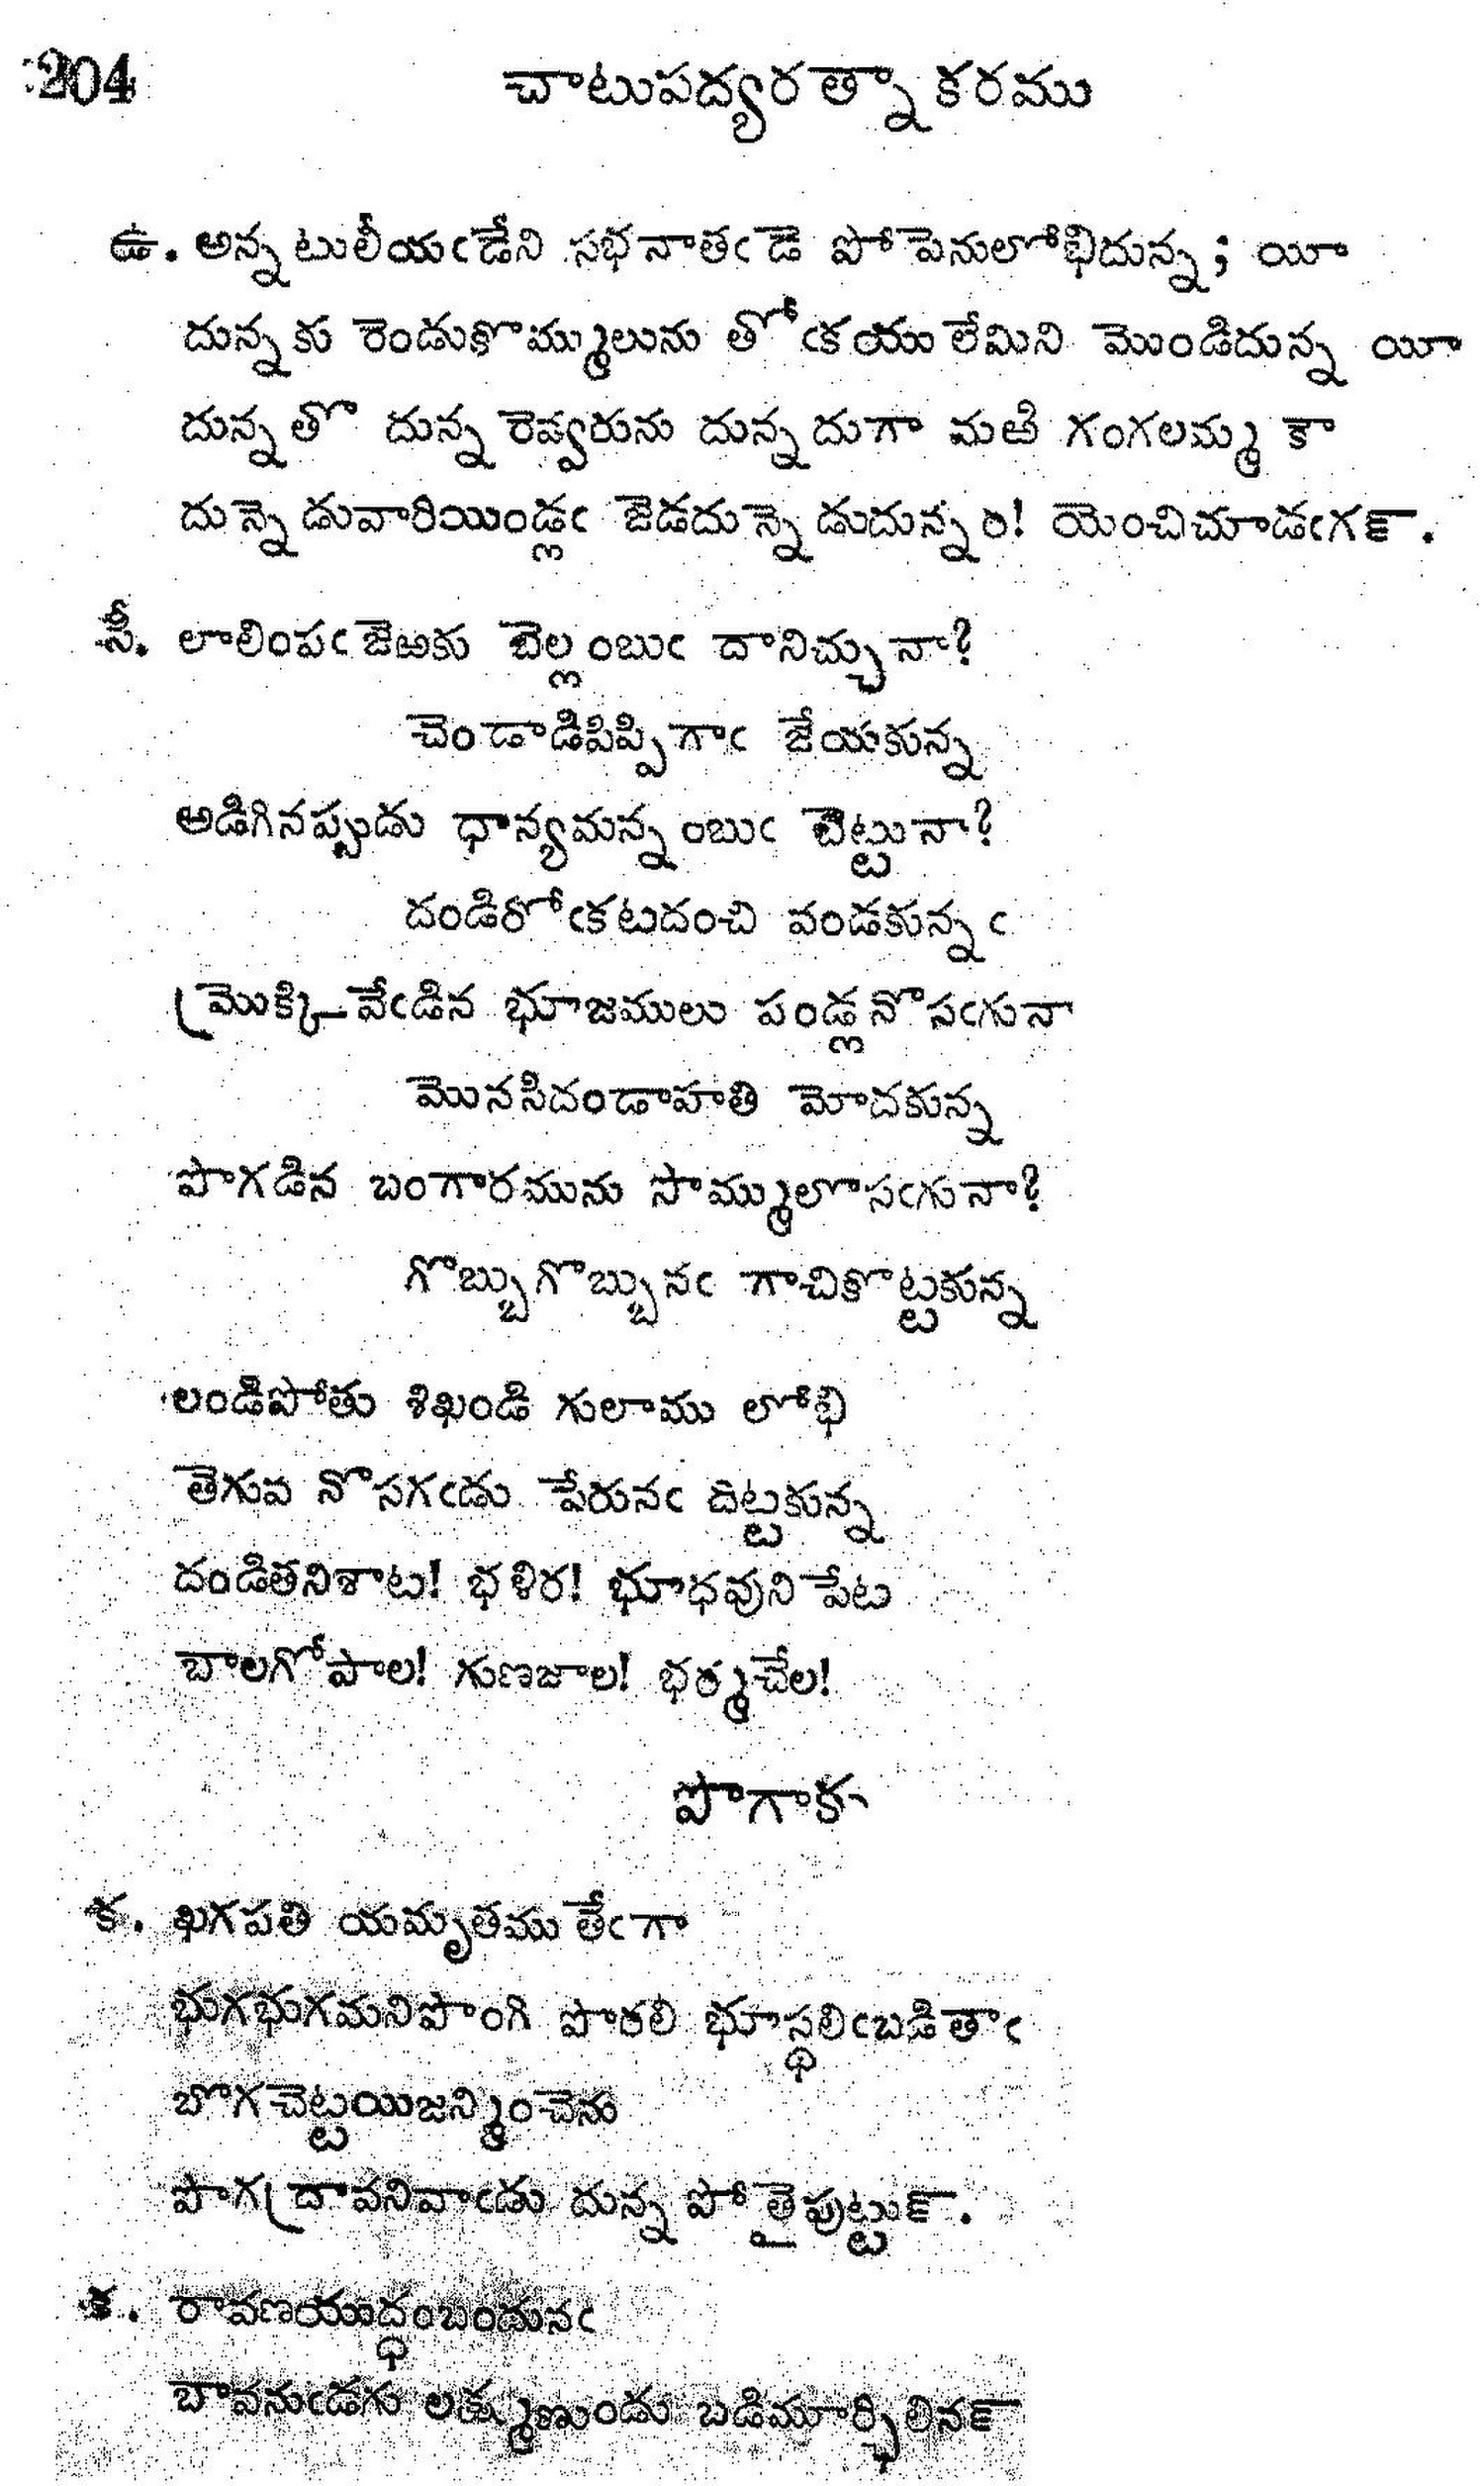ఉ. అన్నటు లీయఁడేని సభ నాతఁడె పో పెనులోభిదున్న; యీ
 దున్నకు రెండుకొమ్ములును తోఁకయు లేమిని మొండిదున్న యీ
 దున్నతొ దున్న రెవ్వరును దున్నదుగా మఱి గంగలమ్మ కౌ
 దున్నెడువారియిండ్లఁ జెడదున్నెడుదున్నర! యెంచి చూడఁగన్.

సీ. లాలింపఁ జెఱకు బెల్లంబుఁ దానిచ్చునా
 చెండాడి పిప్పిగాఁ జేయకున్న?
 అడిగినప్పుడు ధాన్య మన్నంబుఁ బెట్టునా
 దండి రోఁకట దంచి వండకున్నఁ?
 మ్రొక్కివేఁడిన భూజములు పండ్ల నొసఁగునా
 మొనసి దండాహతి మోదకున్న?
 పొగడిన బంగారమును సొమ్ము లొసఁగునా
 గొబ్బుగొబ్బునఁ గాచి కొట్టకున్న?
 లండిపోతు శిఖండి గులాము లోభి
 తెగువ నొసగఁడు పేరునఁ దిట్టకున్న
 దండితనిశాట! భళిర! భూధవునిపేట
 బాలగోపాల! గుణజాల! భర్మచేల!

క. ఖగపతి యమృతము తేఁగా
 భుగభుగమని పొంగి పొరలి భూస్థలిఁ బడి తాఁ
 బొగచెట్టయి జన్మించెను
 పొగద్రావనివాఁడు దున్నపోతై పుట్టున్.

క. రావణయుద్ధంబందునఁ
 బావనుఁడగు లక్ష్మణుండు బడిమూర్ఛిలినన్